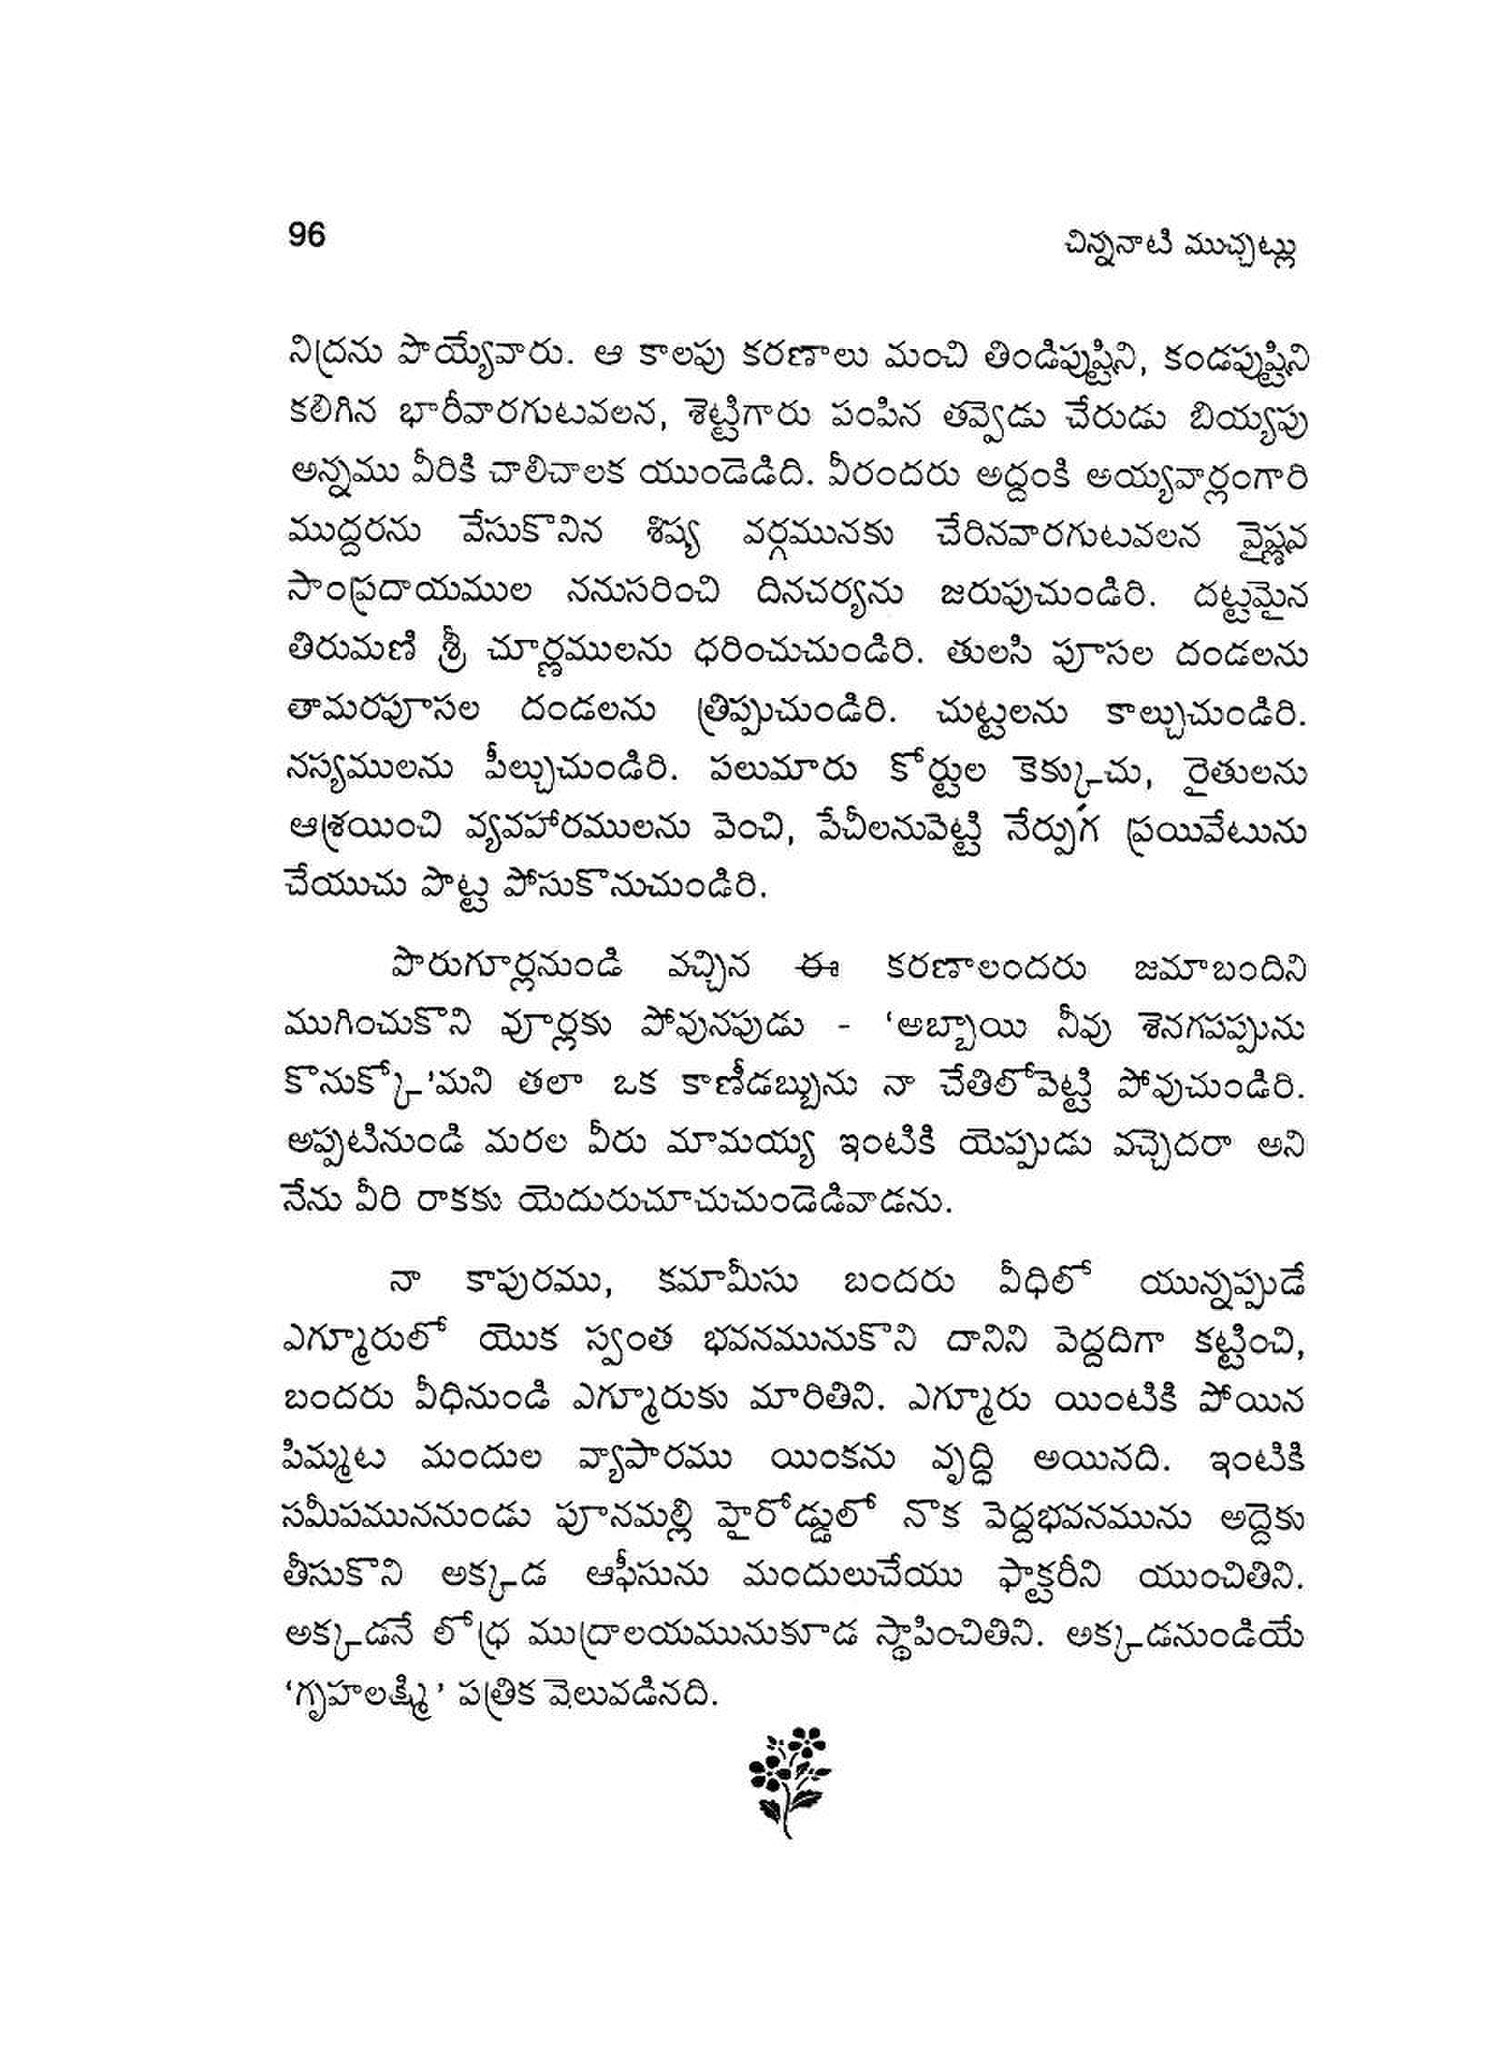నిద్రను పొయ్యేవారు. ఆ కాలపు కరణాలు మంచి తిండిపుష్టిని, కండపుష్టిని కలిగిన భారీవారగుటవలన, శెట్టిగారు పంపిన తవ్వెడు చేరుడు బియ్యపు అన్నము వీరికి చాలిచాలక యుండెడిది. వీరందరు అద్దంకి అయ్యవార్లంగారి ముద్దరను వేసుకొనిన శిష్య వర్గమునకు చేరినవారగుటవలన వైష్ణవ సాంప్రదాయముల ననుసరించి దినచర్యను జరుపుచుండిరి. దట్టమైన తిరుమణి శ్రీ చూర్ణములను ధరించుచుండిరి. తులసి పూసల దండలను తామరపూసల దండలను త్రిప్పుచుండిరి. చుట్టలను కాల్చుచుండిరి. నస్యములను పీల్చుచుండిరి. పలుమారు కోర్టుల కెక్కుచు, రైతులను ఆశ్రయించి వ్యవహారములను పెంచి, పేచీలనుపెట్టి నేర్పుగ ప్రయివేటును చేయుచు పొట్ట పోసుకొనుచుండిరి.

పొరుగూర్లనుండి వచ్చిన ఈ కరణాలందరు జమాబందిని ముగించుకొని వూర్లకు పోవునపుడు - 'అబ్బాయి నీవు శెనగపప్పును కొనుక్కోమని తలా ఒక కాణీడబ్బును నా చేతిలోపెట్టి పోవుచుండిరి. అప్పటినుండి మరల వీరు మామయ్య ఇంటికి యెప్పడు వచ్చెదరా అని నేను వీరి రాకకు యెదురుచూచుచుండెడివాడను.

నా కాపురము, కమామీసు బందరు వీధిలో యున్నప్పుడే ఎగ్మూరులో యొక స్వంత భవనమునుకొని దానిని పెద్దదిగా కట్టించి, బందరు వీధినుండి ఎగ్మూరుకు మారితిని. ఎగ్మూరు యింటికి పోయిన పిమ్మట మందుల వ్యాపారము యింకను వృద్ధి అయినది. ఇంటికి సమీపముననుండు పూనమల్లి హైరోడ్డులో నొక పెద్దభవనమును అద్దెకు తీసుకొని అక్కడ ఆఫీసును మందులుచేయు ఫాక్టరీని యుంచితిని. అక్కడనే లోధ్ర ముద్రాలయమునుకూడ స్థాపించితిని. అక్కడనుండియే 'గృహలక్ష్మి' పత్రిక వెలువడినది.